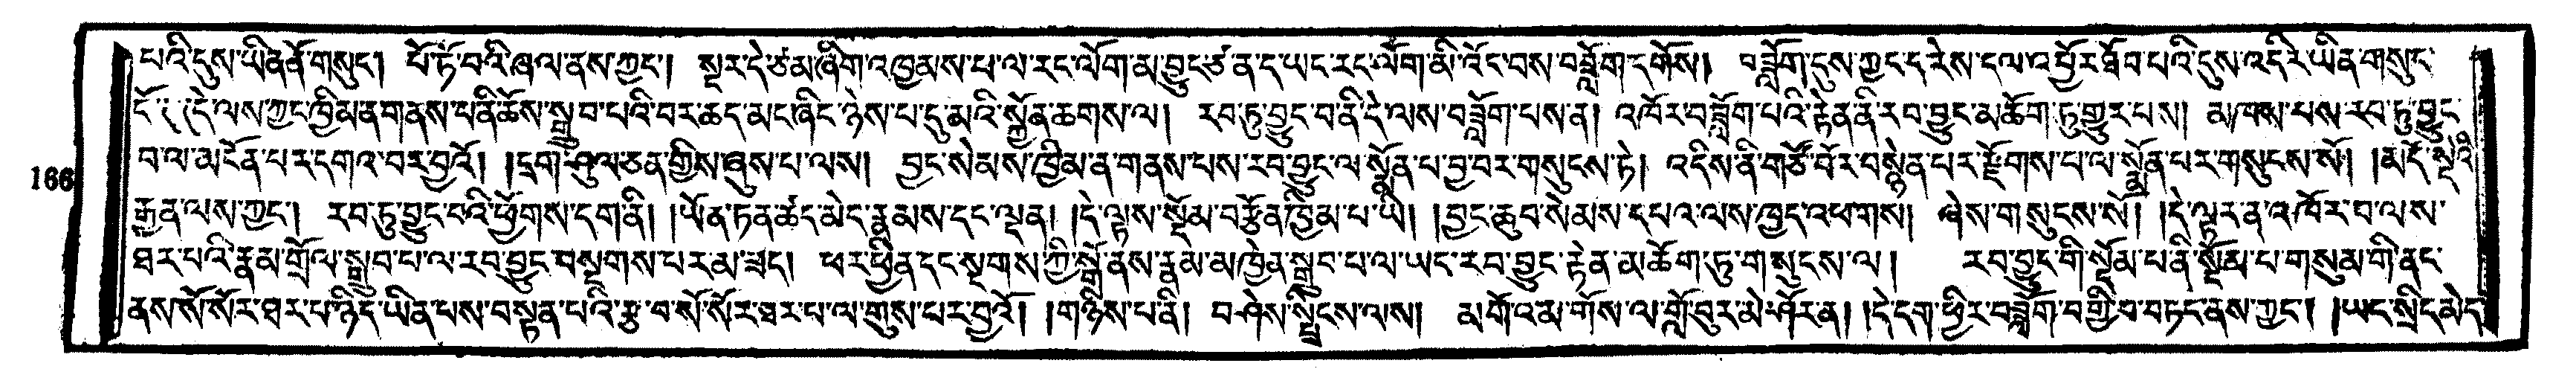པའི་དུས་ཡིན་ནོ་གསུང་། པོ་ཏོ་བའི་ཞལ་ནས་ཀྱང་། སྔར་དེ་ཙམ་ཞིག་འཁྱམས་པ་ལ་རང་ལོག་མ་བྱུང་ཙ་ན་ད་ཡང་རང་ལོག་མི་འོང་བས་བཟློག་དགོས། བཟློག་དུས་ཀྱང་ད་རེས་དལ་འབྱོར་ཐོབ་པའི་དུས་འདིར་ཡིན་གསུང་
ངོ༑ ༑དེ་ལས་ཀྱང་ཁྱིམ་ན་གནས་པ་ནི་ཆོས་སྒྲུབ་པའི་བར་ཆད་མང་ཞིང་ཉེས་པ་དུ་མའི་སྐྱོན་ཆགས་ལ། རབ་ཏུ་བྱུང་བ་ནི་དེ་ལས་བཟློག་པས་ན། འཁོར་བཟློག་པའི་རྟེན་ནི་རབ་བྱུང་མཆོག་ཏུ་གྱུར་པས། མཁས་པས་རབ་ཏུ་བྱུང་
བ་ལ་མངོན་པར་དགའ་བར་བྱའོ། །དྲག་ཤུལ་ཅན་གྱིས་ཞུས་པ་ལས། བྱང་སེམས་ཁྱིམ་ན་གནས་པས་རབ་བྱུང་ལ་སྨོན་པ་བྱ་བར་གསུངས་ཏེ། འདིས་ནི་གཙོ་བོར་བསྙེན་པར་རྫོགས་པ་ལ་སྨོན་པར་གསུངས་སོ། །མདོ་སྡེའི་
རྒྱན་ལས་ཀྱང་། རབ་ཏུ་བྱུང་བའི་ཕྱོགས་དག་ནི། །ཡོན་ཏན་ཚད་མེད་རྣམས་དང་ལྡན། །དེ་ལྟས་སྡོམ་བརྩོན་ཁྱིམ་པ་ཡི། །བྱང་ཆུབ་སེམས་དཔའ་ལས་ཁྱད་འཕགས། ཞེས་གསུངས་སོ། །དེ་ལྟར་ན་འཁོར་བ་ལས་
ཐར་པའི་རྣམ་གྲོལ་སྒྲུབ་པ་ལ་རབ་བྱུང་བསྔགས་པར་མ་ཟད། ཕར་ཕྱིན་དང་སྔགས་ཀྱི་སྒོ་ནས་རྣམ་མཁྱེན་སྒྲུབ་པ་ལ་ཡང་རབ་བྱུང་རྟེན་མཆོག་ཏུ་གསུངས་ལ། རབ་བྱུང་གི་སྡོམ་པ་ནི་སྡོམ་པ་གསུམ་གི་ནང་
ནས་སོ་སོར་ཐར་པ་ཉིད་ཡིན་པས་བསྟན་པའི་རྩ་བ་སོ་སོར་ཐར་པ་ལ་གུས་པར་བྱའོ། །གཉིས་པ་ནི། བཤེས་སྤྲིངས་ལས། མགོ་འམ་གོས་ལ་གློ་བུར་མེ་ཤོར་ན། །དེ་དག་ཕྱིར་བཟློག་བགྱི་བ་བཏང་ནས་ཀྱང་། །ཡང་སྲིད་མེད་